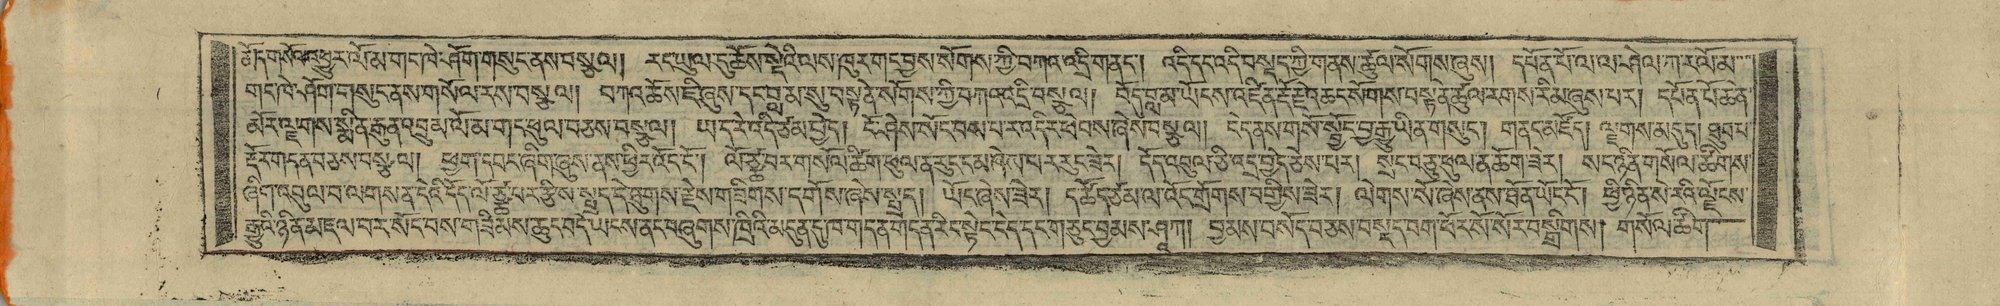མོད་གསོལ་འཕྱུར་ལོ་མ་གང་ཁེ་ཤོག་གསུང་ནས་བསྩལ། རང་ཡུལ་དུ་ཆོས་སྡེའི་ལས་ཁུར་གང་བྱས་སོགས་ཀྱི་བཀའ་འདྲི་གནང་། འདི་དང་འདི་བསྡད་ཀྱི་གནས་ཚུལ་སོགས་ཞུས། དཔོན་པོ་ལ་ལ་ཤེལ་ཀར་ལོ་མ་
གང་ཁེ་ཤོག་གསུང་ནས་གསོལ་རས་བསྩལ། བཀའ་ཆོས་ཇི་ཞུས་དང་བླ་མ་སུ་བསྟེན་སོགས་ཀྱི་བཀའ་འདྲི་བསྩལ། བོད་དུ་བླ་མ་ཡོངས་འཛིན་རྡོ་རྗེ་འཆང་སོགས་བསྟེན་ཚུལ་རགས་རིམ་ཞུས་པར། དཔོན་པོ་ཆེན་
མོར་ལྗགས་སྨིན་རྒུན་འབྲུམ་ལོ་མ་གང་ཕུལ་བཅས་བསྩལ། ཡ་ད་རེ་འདི་ཙམ་བྱེད། ངོ་ཤེས་སོང་བས་པར་འདིར་ཕེབས་ཞེས་བསྩལ། ངེད་ནས་གསོ་སྦྱོང་བྱ་རྒྱུ་ཡིན་གསུང་། གནང་མཛོད། ལྗགས་མདུད། ཐུབ་པ་
རྡོར་གདན་བཅས་བསྩལ། ཕྱག་དབང་ཞིག་ཞུས་ནས་ཕྱིར་འོང་ངོ། ལོ་ཙྪ་བར་གསོལ་ཚིག་ཕུལ་ན་རུང་ངམ་ཞེས་པར་རུང་ཟེར། དོད་འབུལ་ཅི་འདྲ་བྱེད་ཅེས་པར། སྲང་བཅུ་ཕུལ་ན་ཆོག་ཟེར། སང་ཉིན་གསོལ་ཚིགས་
ཞིག་འབུལ་བ་ལགས་ན་དེའི་དོད་ལོ་ཙྪ་པར་རྩིས་སྤྲད་དེ་ཐུགས་རྗེས་གཟིགས་དགོས་ཞེས་སྤྲད། ཡོང་ཞེས་ཟེར། ད་ཚོད་ཙམ་ལ་འོང་གྲོགས་བགྱིས་ཟེར། ལེགས་སོ་ཞེས་ནས་ཐོན་ཡོང་ངོ། ཕྱི་ཉིན་སེ་རའི་ལྗོངས་
རྒྱུའི་ཉིན་མཇལ་བར་སོང་བས་གཟིམས་ཆུང་བདེ་ཡངས་ནང་བཞུགས་ཁྲིའི་མདུན་དུ་ཁ་གདན་གདན་རིང་སྟེང་ངེད་དང་གཅུང་བྱམས་ཤཱཀ། བྱམས་བསོད་བཅས་བསྡད་བག་ཕོར་སོ་སོར་བསྒྲིགས། གསོལ་ཚིག་